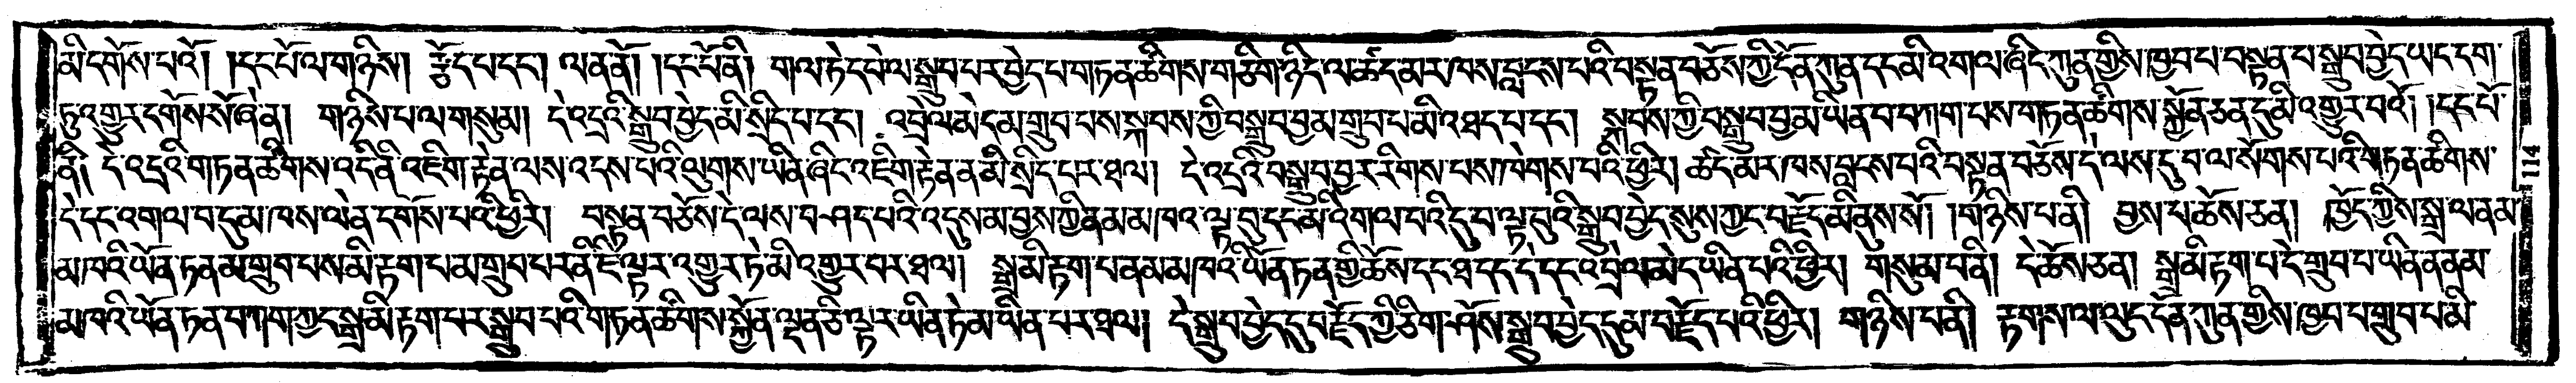མི་དགོས་པའོ། །དང་པོ་ལ་གཉིས། རྩོད་པ་དང་། ལན་ནོ། །དང་པོ་ནི། གལ་ཏེ་དཔེ་ལ་སྒྲུབ་པར་བྱེད་པ་གཏན་ཚིགས་གཅིག་ཉིད་ལ་ཚད་མར་ཁས་བླངས་པའི་བསྟན་བཅོས་ཀྱི་དོན་ཀུན་དང་མི་འགལ་ཞིང་ཀུན་གྱིས་ཁྱབ་པ་བསྟན་པ་སྒྲུབ་བྱེད་ཡང་དག་
ཏུ་འགྱུར་དགོས་སོ་ཞེ་ན། གཉིས་པ་ལ་གསུམ། དེ་འདྲའི་སྒྲུབ་བྱེད་མི་སྲིད་པ་དང་། འབྲེལ་མེད་མ་གྲུབ་པས་སྐབས་ཀྱི་བསྒྲུབ་བྱ་མ་གྲུབ་པ་མི་འཐད་པ་དང་། སྐབས་ཀྱི་བསྒྲུབ་བྱ་མ་ཡིན་པ་བཀག་པས་གཏན་ཚིགས་སྐྱོན་ཅན་དུ་མི་འགྱུར་བའོ། །དང་པོ་
ནི༑ དེ་འདྲའི་གཏན་ཚིགས་འདི་ནི་འཇིག་རྟེན་ལས་འདས་པའི་ལུགས་ཡིན་ཞིང་འཇིག་རྟེན་ན་མི་སྲིད་པར་ཐལ། དེ་འདྲའི་བསྒྲུབ་བྱར་རིགས་པས་ཁེགས་པའི་ཕྱིར། ཚད་མར་ཁས་བླངས་པའི་བསྟན་བཅོས་དེ་ལས་དུ་བ་ལ་སོགས་པའི་གཏན་ཚིགས་
དེ་དང་འགལ་བ་དུ་མ་ཁས་ལེན་དགོས་པའི་ཕྱིར། བསྟན་བཅོས་དེ་ལས་བཤད་པའི་འདུས་མ་བྱས་ཀྱི་ནམ་མཁའ་ལྟ་བུ་དང་མའི་འགལ་བའི་དུ་བ་ལྟ་བུའི་སྒྲུབ་བྱེད་སུས་ཀྱང་བརྗོད་མི་ནུས་སོ། །གཉིས་པ་ནི། བྱས་པ་ཆོས་ཅན། ཁྱོད་ཀྱིས་སྒྲ་ལ་ནམ་
མཁའི་ཡོན་ཏན་མ་གྲུབ་པས་མི་རྟག་པ་མ་གྲུབ་པར་ནི་ཇི་ལྟར་འགྱུར་ཏེ་མི་འགྱུར་བར་ཐལ། སྒྲ་མི་རྟག་པ་ནམ་མཁའི་ཡོན་ཏན་གྱི་ཆོས་དང་ཐ་དད་དེ་དང་འབྲེལ་མེད་ཡིན་པའི་ཕྱིར། གསུམ་པ་ནི། དེ་ཆོས་ཅན། སྒྲ་མི་རྟག་པ་དེ་གྲུབ་པ་ཡིན་ན་ནམ་
མཁའི་ཡོན་ཏན་བཀག་ཀྱང་སྒྲ་མི་རྟག་པར་སྒྲུབ་པའི་གཏན་ཚིགས་སྐྱོན་ལྡན་ཅི་ལྟར་ཡིན་ཏེ་མ་ཡིན་པར་ཐལ། དེ་སྒྲུབ་བྱེད་དུ་བརྗོད་ཀྱི་ཅིག་ཤོས་སྒྲུབ་བྱེད་དུ་མ་བརྗོད་པའི་ཕྱིར། གཉིས་པ་ནི། རྟགས་ལ་ལུང་དོན་ཀུན་གྱིས་ཁྱབ་པ་གྲུབ་པ་མི་